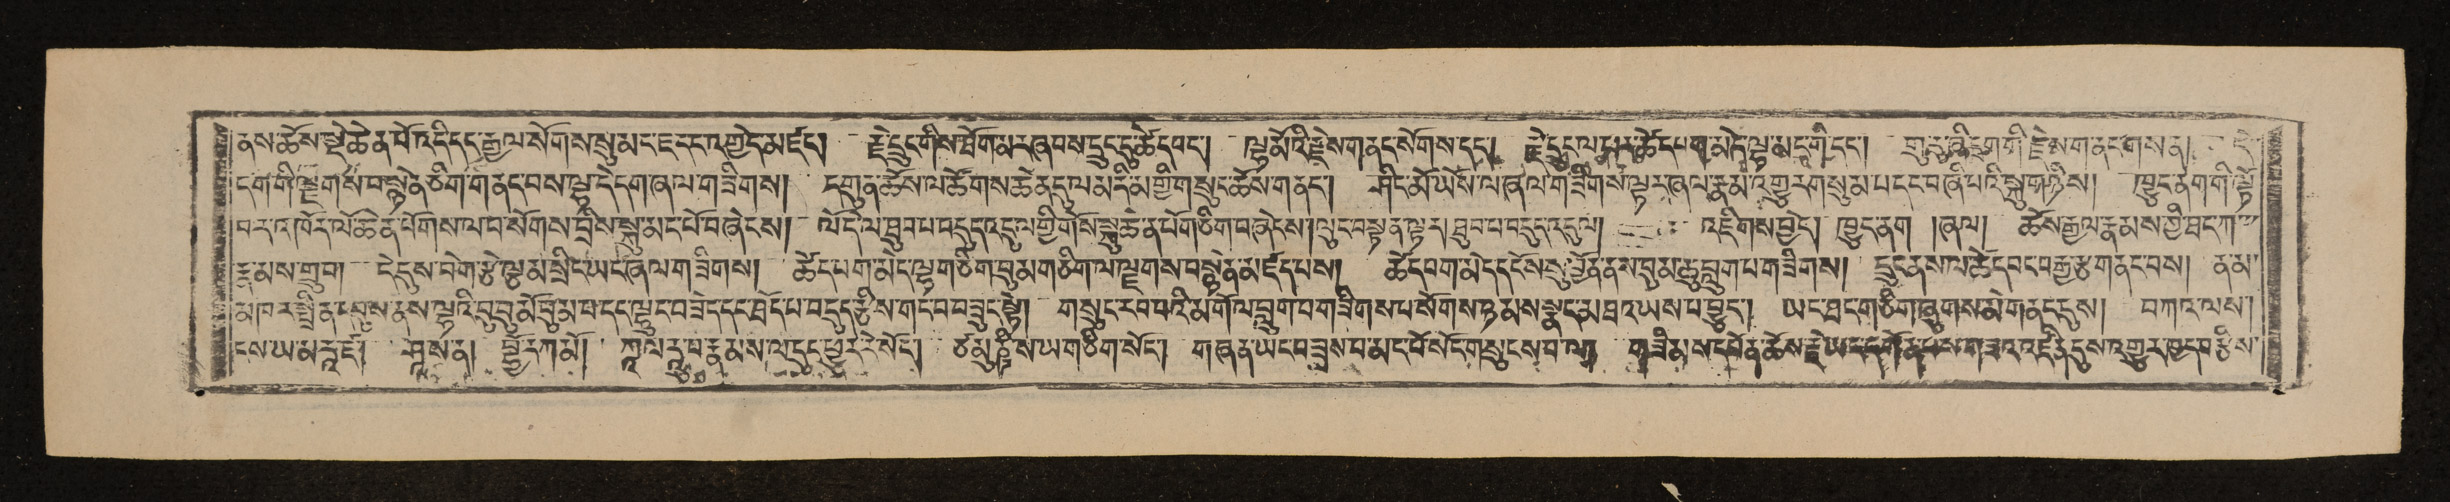ནས་ཆོས་སྡེ་ཆེན་པོ་འདི་དང་རྒྱལ་སོགས་སུ་མང་ཇ་དང་འགྱེད་མཛད། རྗེ་དྲུང་གིས་ཐོག་མར་ཞབས་དྲུང་དུ་ཚེ་དབང་། ལྷ་མོའི་རྗེས་གནང་སོགས་དང་། རྗེ་དྲུང་ལ་ཕར་ཚེ་དཔག་མེད་ལྷ་མང་གི་དང་། གུ་རུ་ཞི་དྲག་གི་རྗེས་གནང་གསན། དེ་
དག་གི་ལྗགས་བསྙེན་ཅིག་གནང་བས་ལྷ་དེ་དག་ཞལ་གཟིགས། དགུན་ཆོས་ལ་ཚོགས་ཆེན་དུ་ལམ་རིམ་གྱི་གསུང་ཆོས་གནང་། ཤིང་མོ་ཡོས་ལ་ཞལ་གཟིགས་ལྟར་ཞལ་རྣམ་འགྱུར་གསུམ་པ་དང་བཞི་པའི་སྐུ་གཉིས། ཁྱུད་ནག་གི་ལྟོ་
བར་འཁོར་ལོ་ཆེན་པོ་གསལ་བ་སོགས་བྲིས་སྐུ་མང་པོ་བཞེངས། ལོ་དེ་ལ་ཐུབ་པ་བདུད་འདུལ་གྱི་གོས་སྐུ་ཆེན་པོ་གཅིག་བཞེངས། ལུང་བསྟན་ལྟར། ཐུབ་པ་བདུད་འདུལ། འཇིགས་བྱེད། ཁྱུང་ནག །ཞལ། ཆོས་རྒྱལ་རྣམས་ཀྱི་ཐང་ཀ་
རྣམས་གྲུབ། དེ་དུས་བེག་རྩེ་ལྕམ་སྲིང་ཡང་ཞལ་གཟིགས། ཚེ་དཔག་མེད་ལྷ་གཅིག་བུམ་གཅིག་ལ་ལྗགས་བསྙེན་མཛད་པས། ཚེ་དཔག་མེད་དངོས་སུ་བྱོན་ནས་བུམ་ཆུ་བླུག་པ་གཟིགས། དྲུང་ནས་ལ་ཚེ་དབང་བརྒྱ་རྩ་གནང་བས། ནམ་
མཁར་སྤྲིན་དབུས་ནས་ལྷའི་བུ་བུ་མོ་བུམ་པ་དང་ལྷུང་བཟེད་དང་ཐོད་པ་བདུད་རྩིས་གང་བ་བཟུང་སྟེ། གསུང་རབ་བའི་མགོལ་བླུག་པ་གཟིགས་པ་སོགས་ཉམས་སྣང་མཐའ་ཡས་པ་བྱུང་། ཡང་ཐང་གཅིག་ཞུགས་མེ་གནང་དུས། བཀའ་ལས།
ངས་ཡ་མ་རཱ་ཛ། ཤཱ་ས་ན། བྷྱོ་རཀ་མོ། ཀཱ་ལ་རཱུ་པ་རྣམས་ལ་དུང་ཕྱུར་རེ་སོང་། ཙ་མུཎྜིས་ཡ་གཅིག་སོང་། གཞན་ཡང་བཟླས་པ་མང་པོ་སོང་གསུངས་པ་ལ། གཟིམས་དཔོན་ཆོས་རྗེ་ཡང་དགོན་པས་གཟའ་འཛིན་དུས་འགྱུར་ཁྱད་བརྩེས་